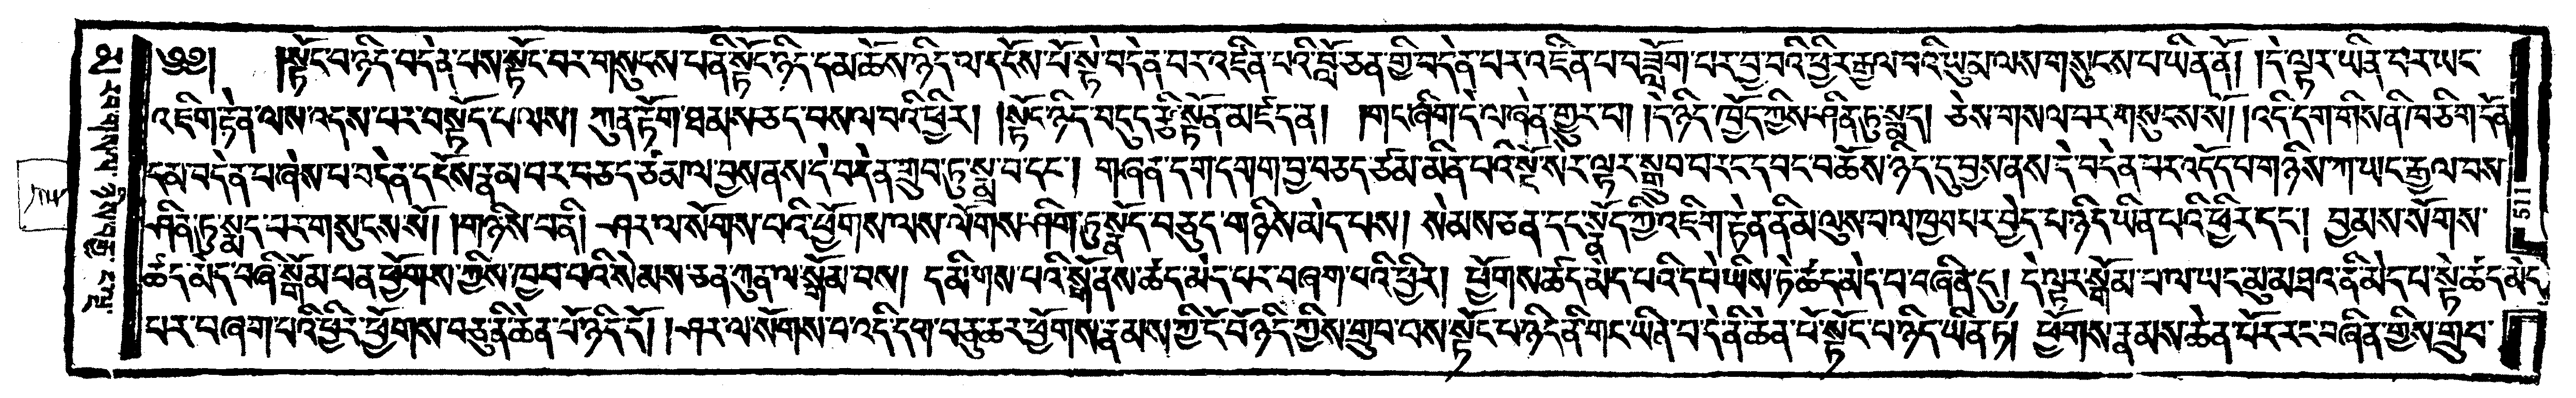༄༅། །སྟོང་པ་ཉིད་བདེན་པས་སྟོང་པར་གསུངས་པ་ནི་སྟོང་ཉིད་དམ་ཆོས་ཉིད་ལ་དངོས་པོ་སྟེ་བདེན་པར་འཛིན་པའི་བློ་ཅན་གྱི་བདེན་པར་འཛིན་པ་བཟློག་པར་བྱ་བའི་ཕྱིར་རྒྱལ་བའི་ཡུམ་ལས་གསུངས་པ་ཡིན་ནོ། །དེ་ལྟར་ཡིན་པར་ཡང་
འཇིག་རྟེན་ལས་འདས་པར་བསྟོད་པ་ལས། ཀུན་རྟོག་ཐམས་ཅད་བསལ་བའི་ཕྱིར། །སྟོང་ཉིད་བདུད་རྩི་སྟོན་མཛད་ན། །གང་ཞིག་དེ་ལ་ཞེན་གྱུར་པ། །དེ་ཉིད་ཁྱོད་ཀྱིས་ཤིན་ཏུ་སྨད། ཅེས་གསལ་བར་གསུངས་སོ། །འདི་དག་གིས་ནི་ཁ་ཅིག་དོན་
དམ་པར་བདེན་པ་ཞེས་པ་བདེན་དངོས་རྣམ་པར་བཅད་ཙམ་ལ་བྱས་ནས་དེ་བདེན་གྲུབ་ཏུ་སྨྲ་བ་དང་། གཞན་དག་དགག་བྱ་བཅད་ཙམ་མིན་པའི་སྔོ་སེར་ལྟར་སྒྲུབ་པར་རང་དབང་བ་ཆོས་ཉིད་དུ་བྱས་ནས་དེ་བདེན་པར་འདོད་པ་གཉིས་ཀ་ཡང་རྒྱལ་བས་
ཤིན་ཏུ་སྨད་པར་གསུངས་སོ། །གཉིས་པ་ནི། ཤར་ལ་སོགས་པའི་ཕྱོགས་ལས་ལོགས་ཤིག་ཏུ་སྣོད་བཅུད་གཉིས་མེད་པས། སེམས་ཅན་དང་སྣོད་ཀྱི་འཇིག་རྟེན་ནི་མི་ལུས་པ་ལ་ཁྱབ་པར་བྱེད་པ་ཉིད་ཡིན་པའི་ཕྱིར་དང་། བྱམས་སོགས་
ཚད་མེད་བཞི་སྒོམ་པ་ན་ཕྱོགས་ཀྱིས་ཁྱབ་པའི་སེམས་ཅན་ཀུན་ལ་སྒོམ་པས། དམིགས་པའི་སྒོ་ནས་ཚད་མེད་པར་བཞག་པའི་ཕྱིར། ཕྱོགས་ཚད་མེད་པའི་དཔེ་ཡིས་ཏེ་ཚད་མེད་པ་བཞིན་དུ། དེ་ལྟར་སྒོམ་པ་ལ་ཡང་མུ་མཐའ་ནི་མེད་པ་སྟེ་ཚད་མེད་
པར་བཞག་པའི་ཕྱིར་ཕྱོགས་བཅུ་ནི་ཆེན་པོ་ཉིད་དོ། །ཤར་ལ་སོགས་པ་འདི་དག་བཅུ་ཆར་ཕྱོགས་རྣམས་ཀྱི་ངོ་བོ་ཉིད་ཀྱིས་གྲུབ་པས་སྟོང་པ་ཉིད་ནི་གང་ཡིན་པ་དེ་ནི་ཆེན་པོ་སྟོང་པ་ཉིད་ཡིན་ཏེ། ཕྱོགས་རྣམས་ཆེན་པོར་རང་བཞིན་གྱིས་གྲུབ་